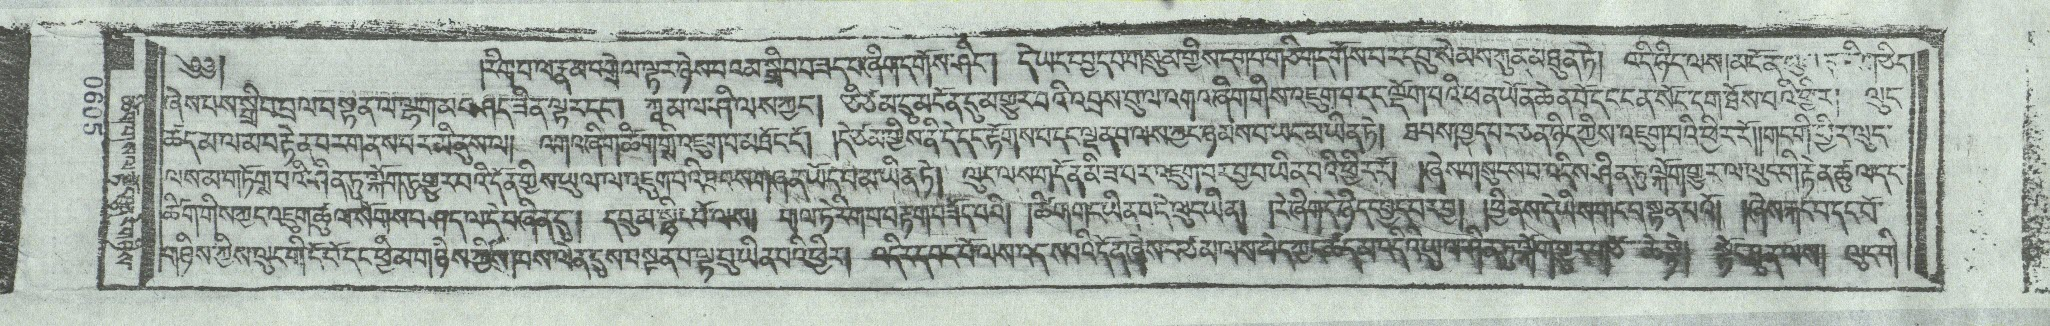༄༅། །རིག་པ་ལ་རྣམ་འགྲེལ་ལྟར་ཉེས་པའམ་སྒྲིབ་བ་ཟད་བ་ཞིག་དགོས་ཤིང་། དེ་ཡང་དཔྱད་པ་གསུམ་གྱིས་དག་པ་གཅིག་དགོས་པར་དབུ་སེམས་ཀུན་མཐུན་ཏེ། འདི་ཉིད་ལས། མངོན་སུམ་དུ་རིག་ཅིང་
ཞེས་པས་སྒྲིབ་བྲལ་བསྟན་ལ་ལྷག་མ་བཤད་ཟིན་ལྟར་དང་། ཀཱ་མ་ལ་ཤི་ལས་ཀྱང་། ཅི་ཙམ་དུ་མངོན་དུ་མ་གྱུར་པའི་འབྲས་བུ་ལ་འགའ་ཞིག་གིས་འཇུག་པ་དང་ལྡོག་པའི་ཕན་ཡོན་ཆེན་པོ་དང་ངན་སོང་དག་ཐོས་པའི་ཕྱིར། ལུང་
ཚད་མ་ལ་མ་བརྟེན་པར་གནས་པར་མི་ནུས་ལ། འགའ་ཞིག་ཚིག་གིས་འཇུག་པ་མཐོང་ངོ། །དེ་ཙམ་གྱིས་ནི་དེ་དང་རྟོགས་པ་དང་ལྡན་པ་ལས་ཀྱང་ཉམས་པ་ཡང་མ་ཡིན་ཏེ། ཐབས་ཁྱད་པར་ཅན་ཉིད་ཀྱིས་འཇུག་པའི་ཕྱིར་རོ། །གང་གི་ཕྱིར་ལུང་
ལས་མ་གཏོགས་པའི་ཤིན་ཏུ་ལྐོག་ཏུ་གྱུར་བའི་དོན་གྱིས་ཡུལ་ལ་འཇུག་པའི་ཐབས་གཞན་ཡོང་བ་མ་ཡིན་ཏེ། ལུང་ལས་གདོན་མི་ཟ་བར་འཇུག་པར་བྱ་བ་ཡིན་པའི་ཕྱིར་རོ། །ཞེས་གསུངས་པ་འདིས་ཤིན་ཏུ་ལྐོག་གྱུར་ལ་ལུང་གི་རྟེན་ཚུལ་དང་
ཚིག་གིས་ཀྱང་འཇུག་ཚུལ་སོགས་བཤད་ལ་དེ་བཞིན་དུ། དབུ་མ་སྙིང་པོ་ལས། གལ་ཏེ་རིག་པ་བརྟག་བཟོད་པའི། །ཚིག་གང་ཡིན་པ་དེ་ལུང་ཡིན། །རེ་ཞིག་དེ་ཉིད་དཔྱད་པར་བྱ། །ཕྱི་ནས་དེ་ཡིས་གང་བསྟན་པའོ། །ཞེས་རྐང་པ་དང་པོ་
གཉིས་ཀྱིས་ལུང་གི་ངོ་བོ་དང་ཕྱི་མ་གཉིས་ཀྱིས་ཁས་ལེན་དུས་བསྟན་པ་ལྟ་བུ་ཡིན་པའི་ཕྱིར། འདིར་དབང་པོ་ལས་འདས་པའི་དོན་ཞེས་པ་ཙམ་ལས་མེད་ཀྱང་ཚད་མ་འདིའི་ཡུལ་ཤིན་ཏུ་ལྐོག་གྱུར་གཙོ་ཆེ་སྟེ། སྟོང་ཐུན་ལས། ལུང་གི་